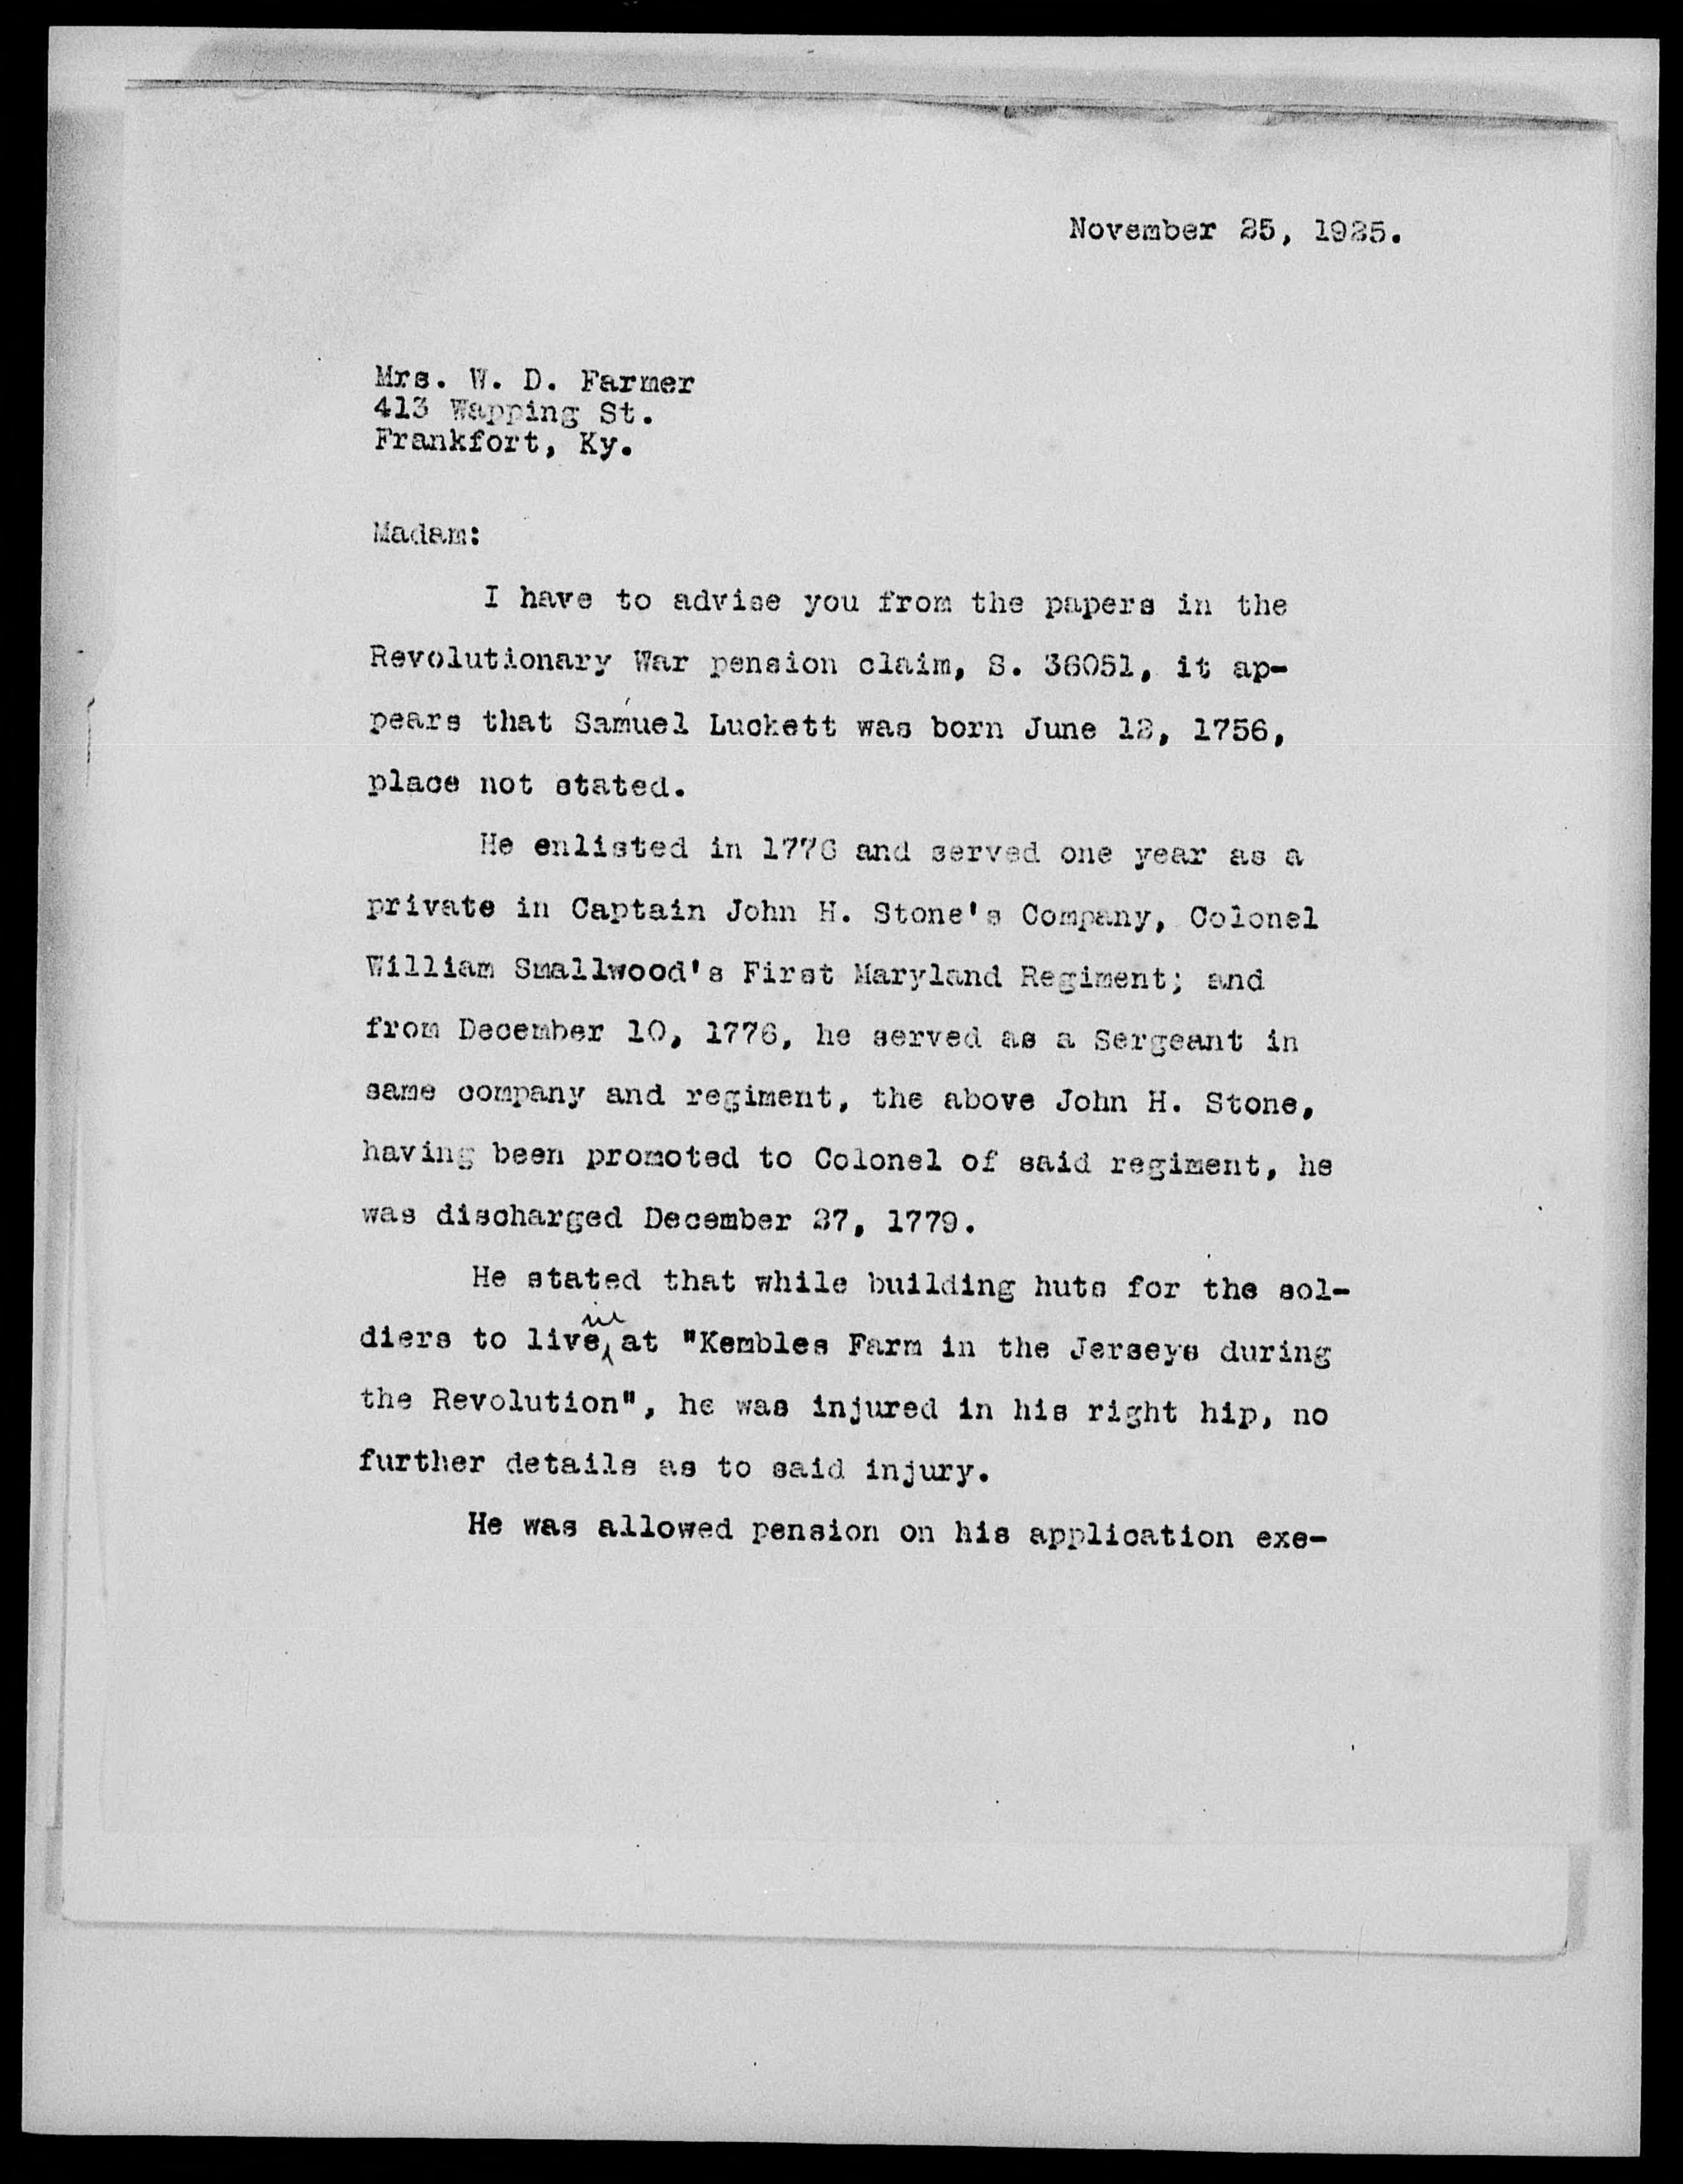Novmber 25, 1925

Mrs. W D Farmer
413 Wapping St
Frankfort, Ky

Madam

I have to advise you from the papers in the Revolutionary War pension claim S.36051 it appears that Samuel Luckett was born June 12, 1756, place not stated.

He enlisted in 1776 and served one year as a private in Captain John H Stone's Company, Colonel William Smallwood's First Maryland Regiment and from December 10, 1776, he served as Sergeant in same company and regiment the above John H Stone having been promoted to Colonel of said regiment, he was discharged December 27, 1779.

He stated that while building huts for the soldiers to live in at "Kembles Farm in the Jerseys during the Revolution" he was injured in his right hip, no further details as to said injury.

He was allowed pension on his application exe-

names: Samuel Luckett; W D Farmer; John H Stone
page: 33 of 34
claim: survivor's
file: S. 36,051, for Samuel Luckett, Maryland